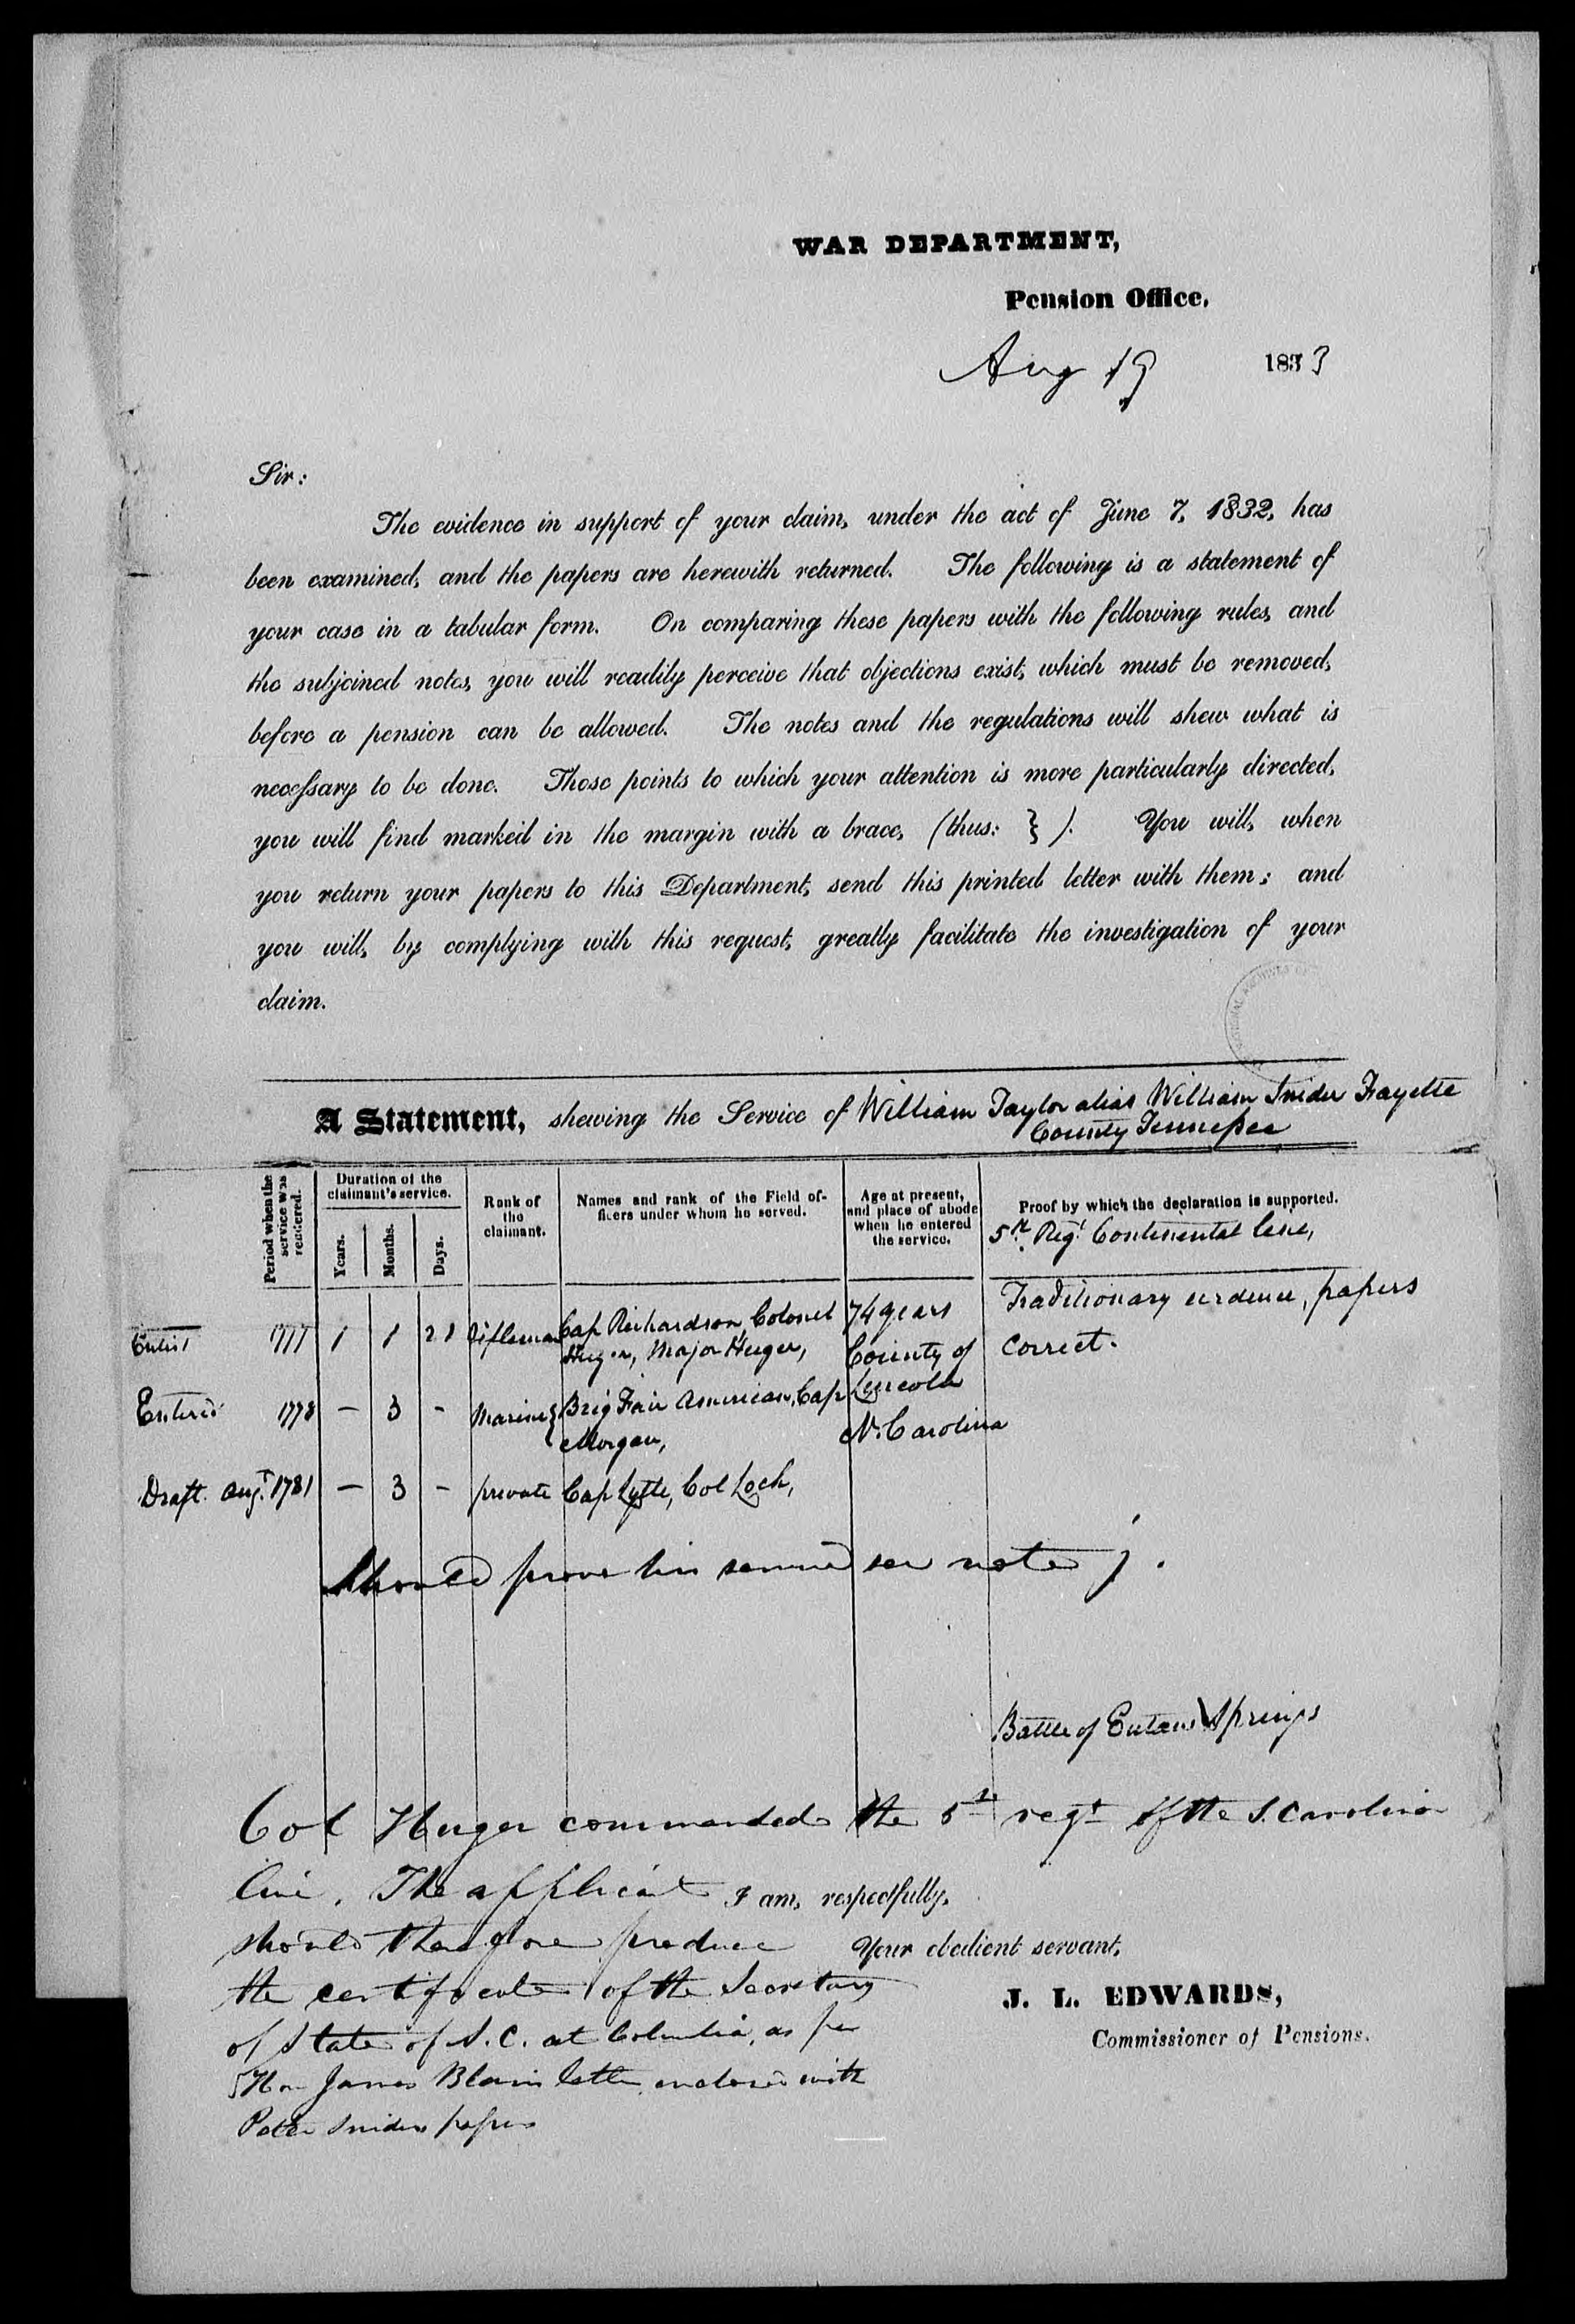WAR DEPARTMENT,
Pension Office,
Aug 19 1833
Sir:
The evidence in support of your claim, under the act of June 7, 1832, has been examined, and the papers are herewith returned. The following is a statement of your case in a tabular form. On comparing these papers with the following rules, and the subjoined notes, you will readily perceive that objections exist, which must be removed, before a pension can be allowed. The notes and the regulations will shew what is necessary to be done. Those points to which your attention is more particularly directed, you will find marked in the margin with a brace, (thus: }). You will, when you return your papers to this Department, send this printed letter with them; and you will, by complying with this request, greatly facilitate the investigation of your claim.
A Statement, shewing the service of William Taylor alias William Snider Fayette County Tennessee
Period which the services was rendered.
Enlisted 1777
Enlisted 1778
Draft Aug. 7 1781
Duration of the claimants' service.
Years. Months. Days.
1 1 21
- 3 -
- 3 -
Rank of the claimant.
Rifleman
Maross
Private
Names and rank of the Field officers under whom he served.
Cap Richardson, Colonel Huger, Major Huger
Brig Fair American, Cap Morgan
Cap Lytle, Col Lock
Age at present, and place of abode when he entered the service.
74 years County of Lincoln N. Carolina
Proof by which the declaration is supported.
5th Reg Continental line,
Traditionary evidence, papers correct.
Should prove his service;
Battle of Eutaw Springs
Col Huger commanded the 5th Regt of the S. Carolina line. The applicant should therefore produce the certificate of the Secretary of State of S.C. at Columbia, as per Hon James Blain letter, enclosed with Peter Snider papers

I am, respectfully, Your obedient servant,
J. L. EDWARDS,
Commissioner of Pensions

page: 10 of 33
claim: rejected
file: R 10439, for William Taylor, North Carolina